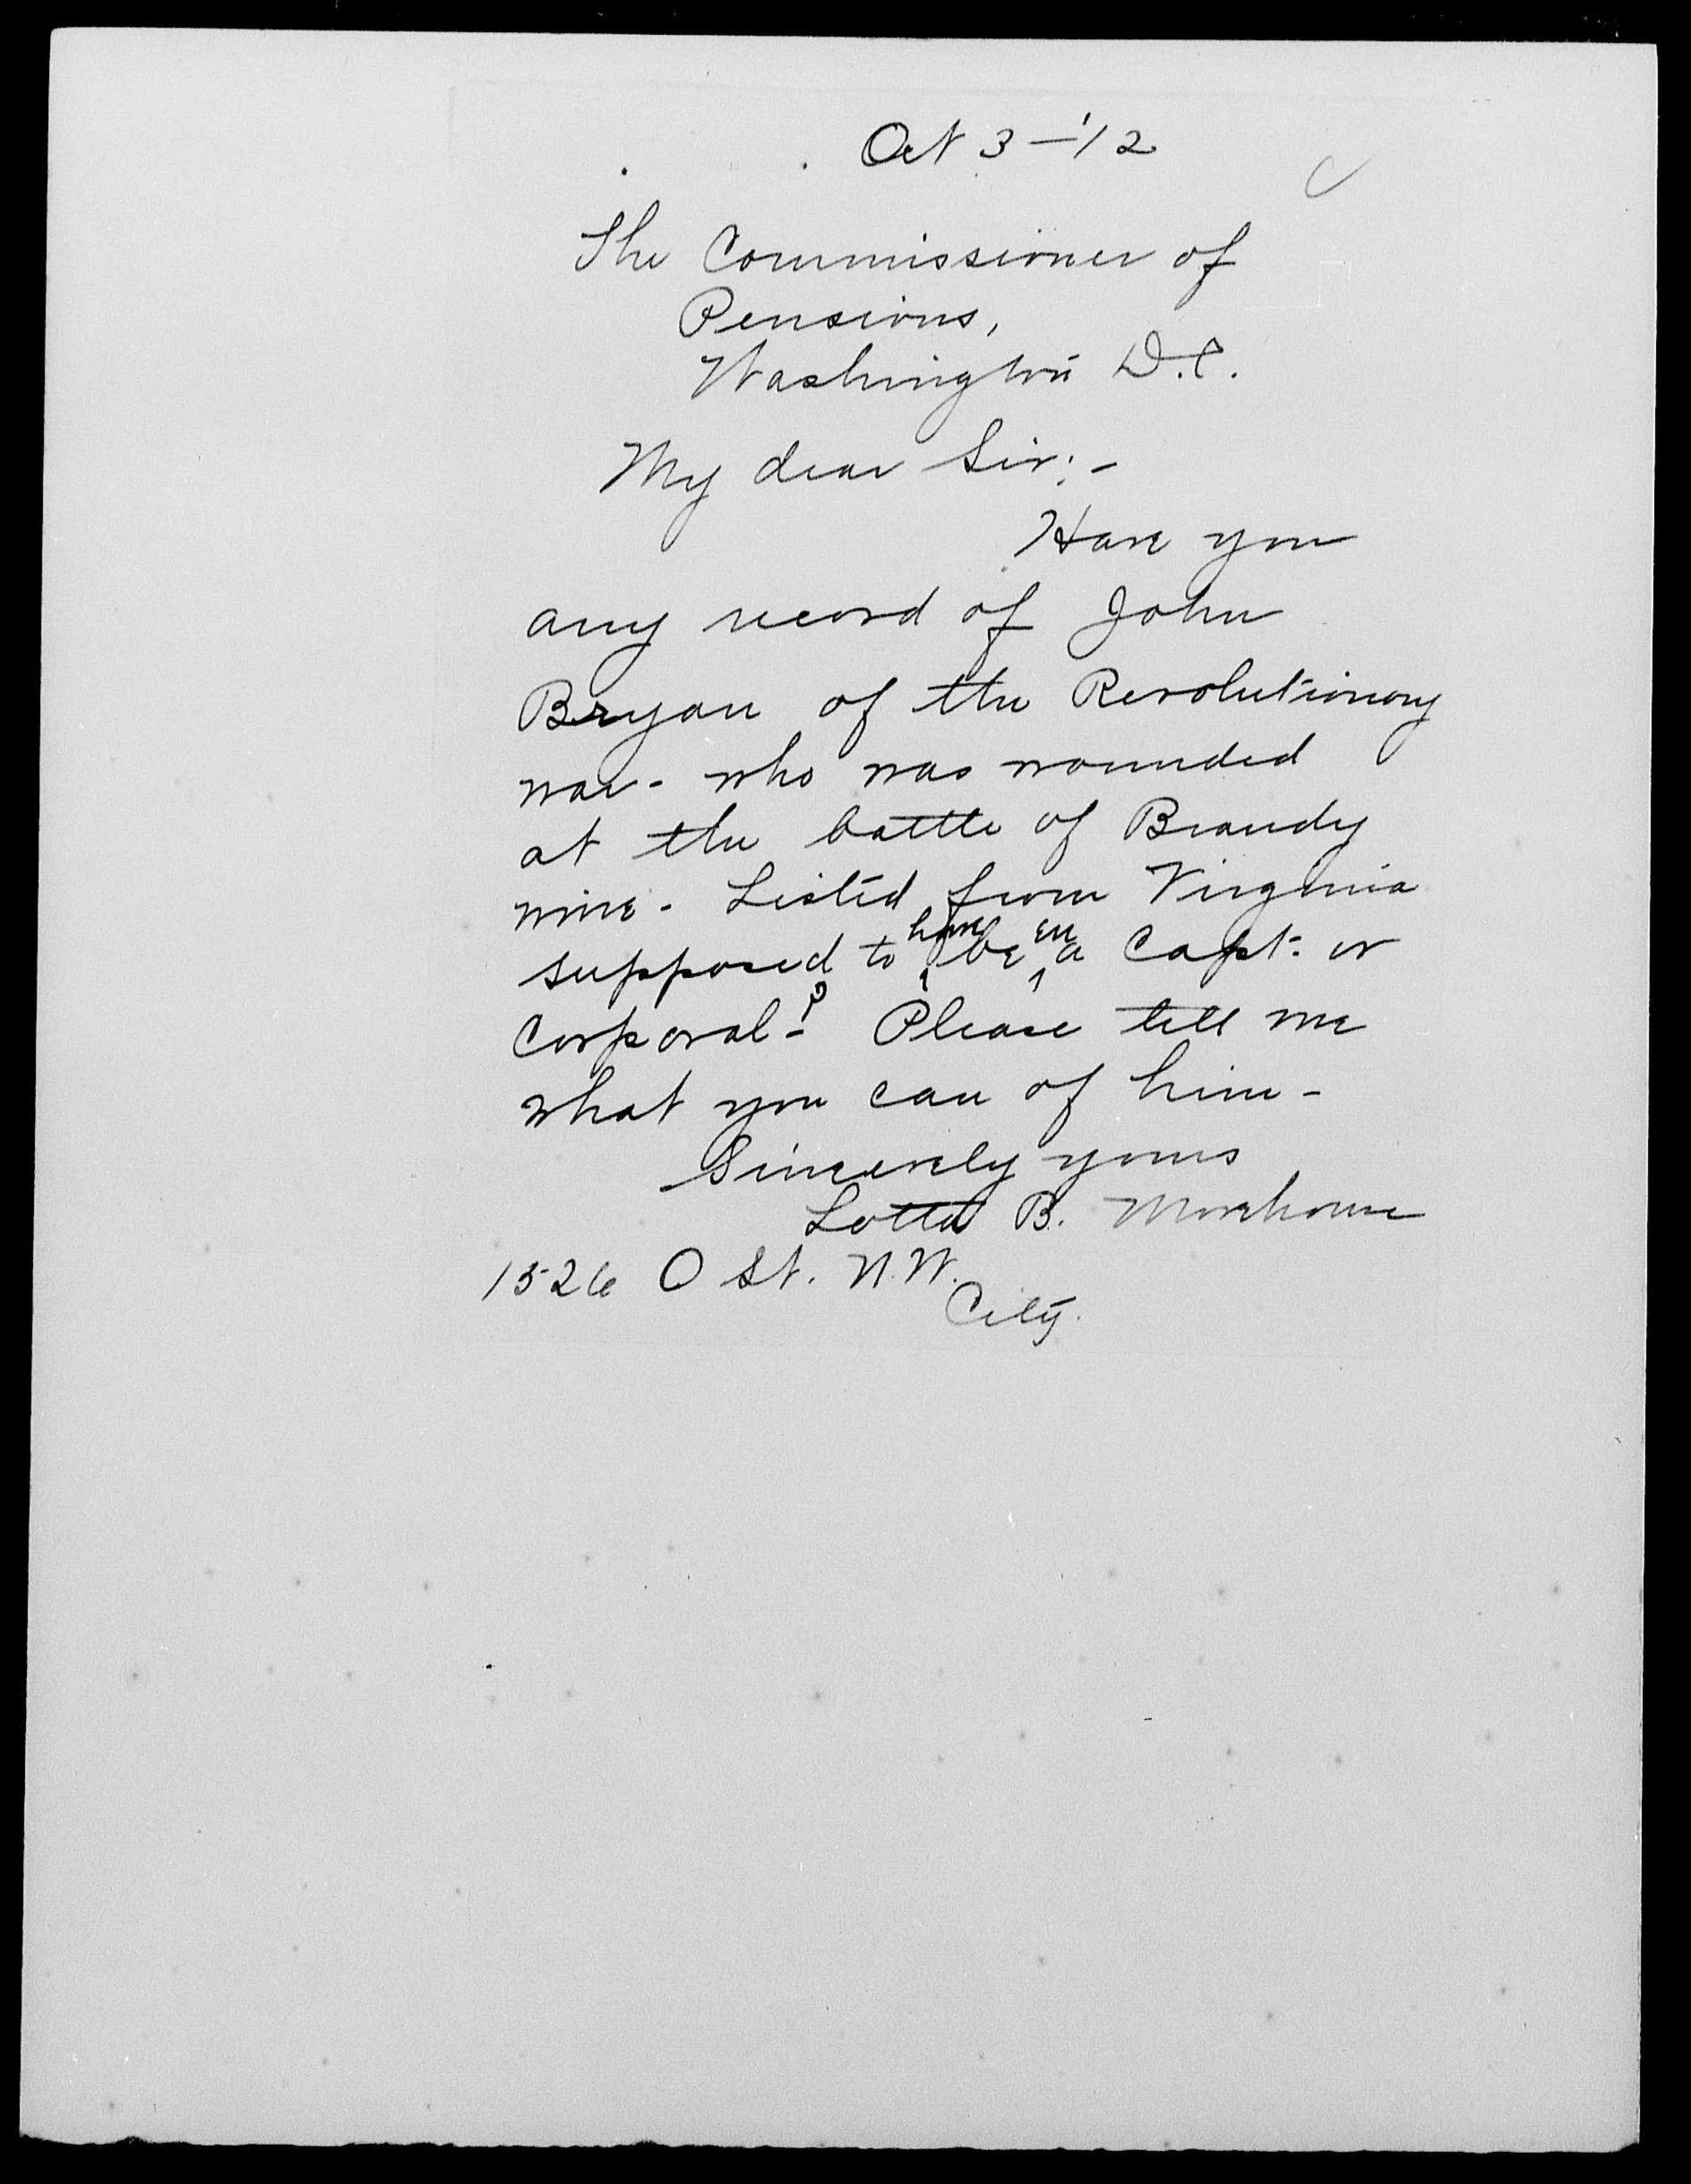Oct 3 -'12

The Commissioner of Pensions,
Washington D.C.

My dear Sir: -
Have you any record of John Bryan of the Revolutionary war - who was wounded at the battle of Brandywine. Lived from Virginia supposed to have been a Capt.: or Corporal? Please tell me what you can of him -

Sincerely yours
Lotta B. Morehouse
1326 O St. N.W.
City.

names: Lotta B Morehouse, John Bryan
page: 28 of 31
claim: widow's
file: W. 3759, John Bryan, Va.